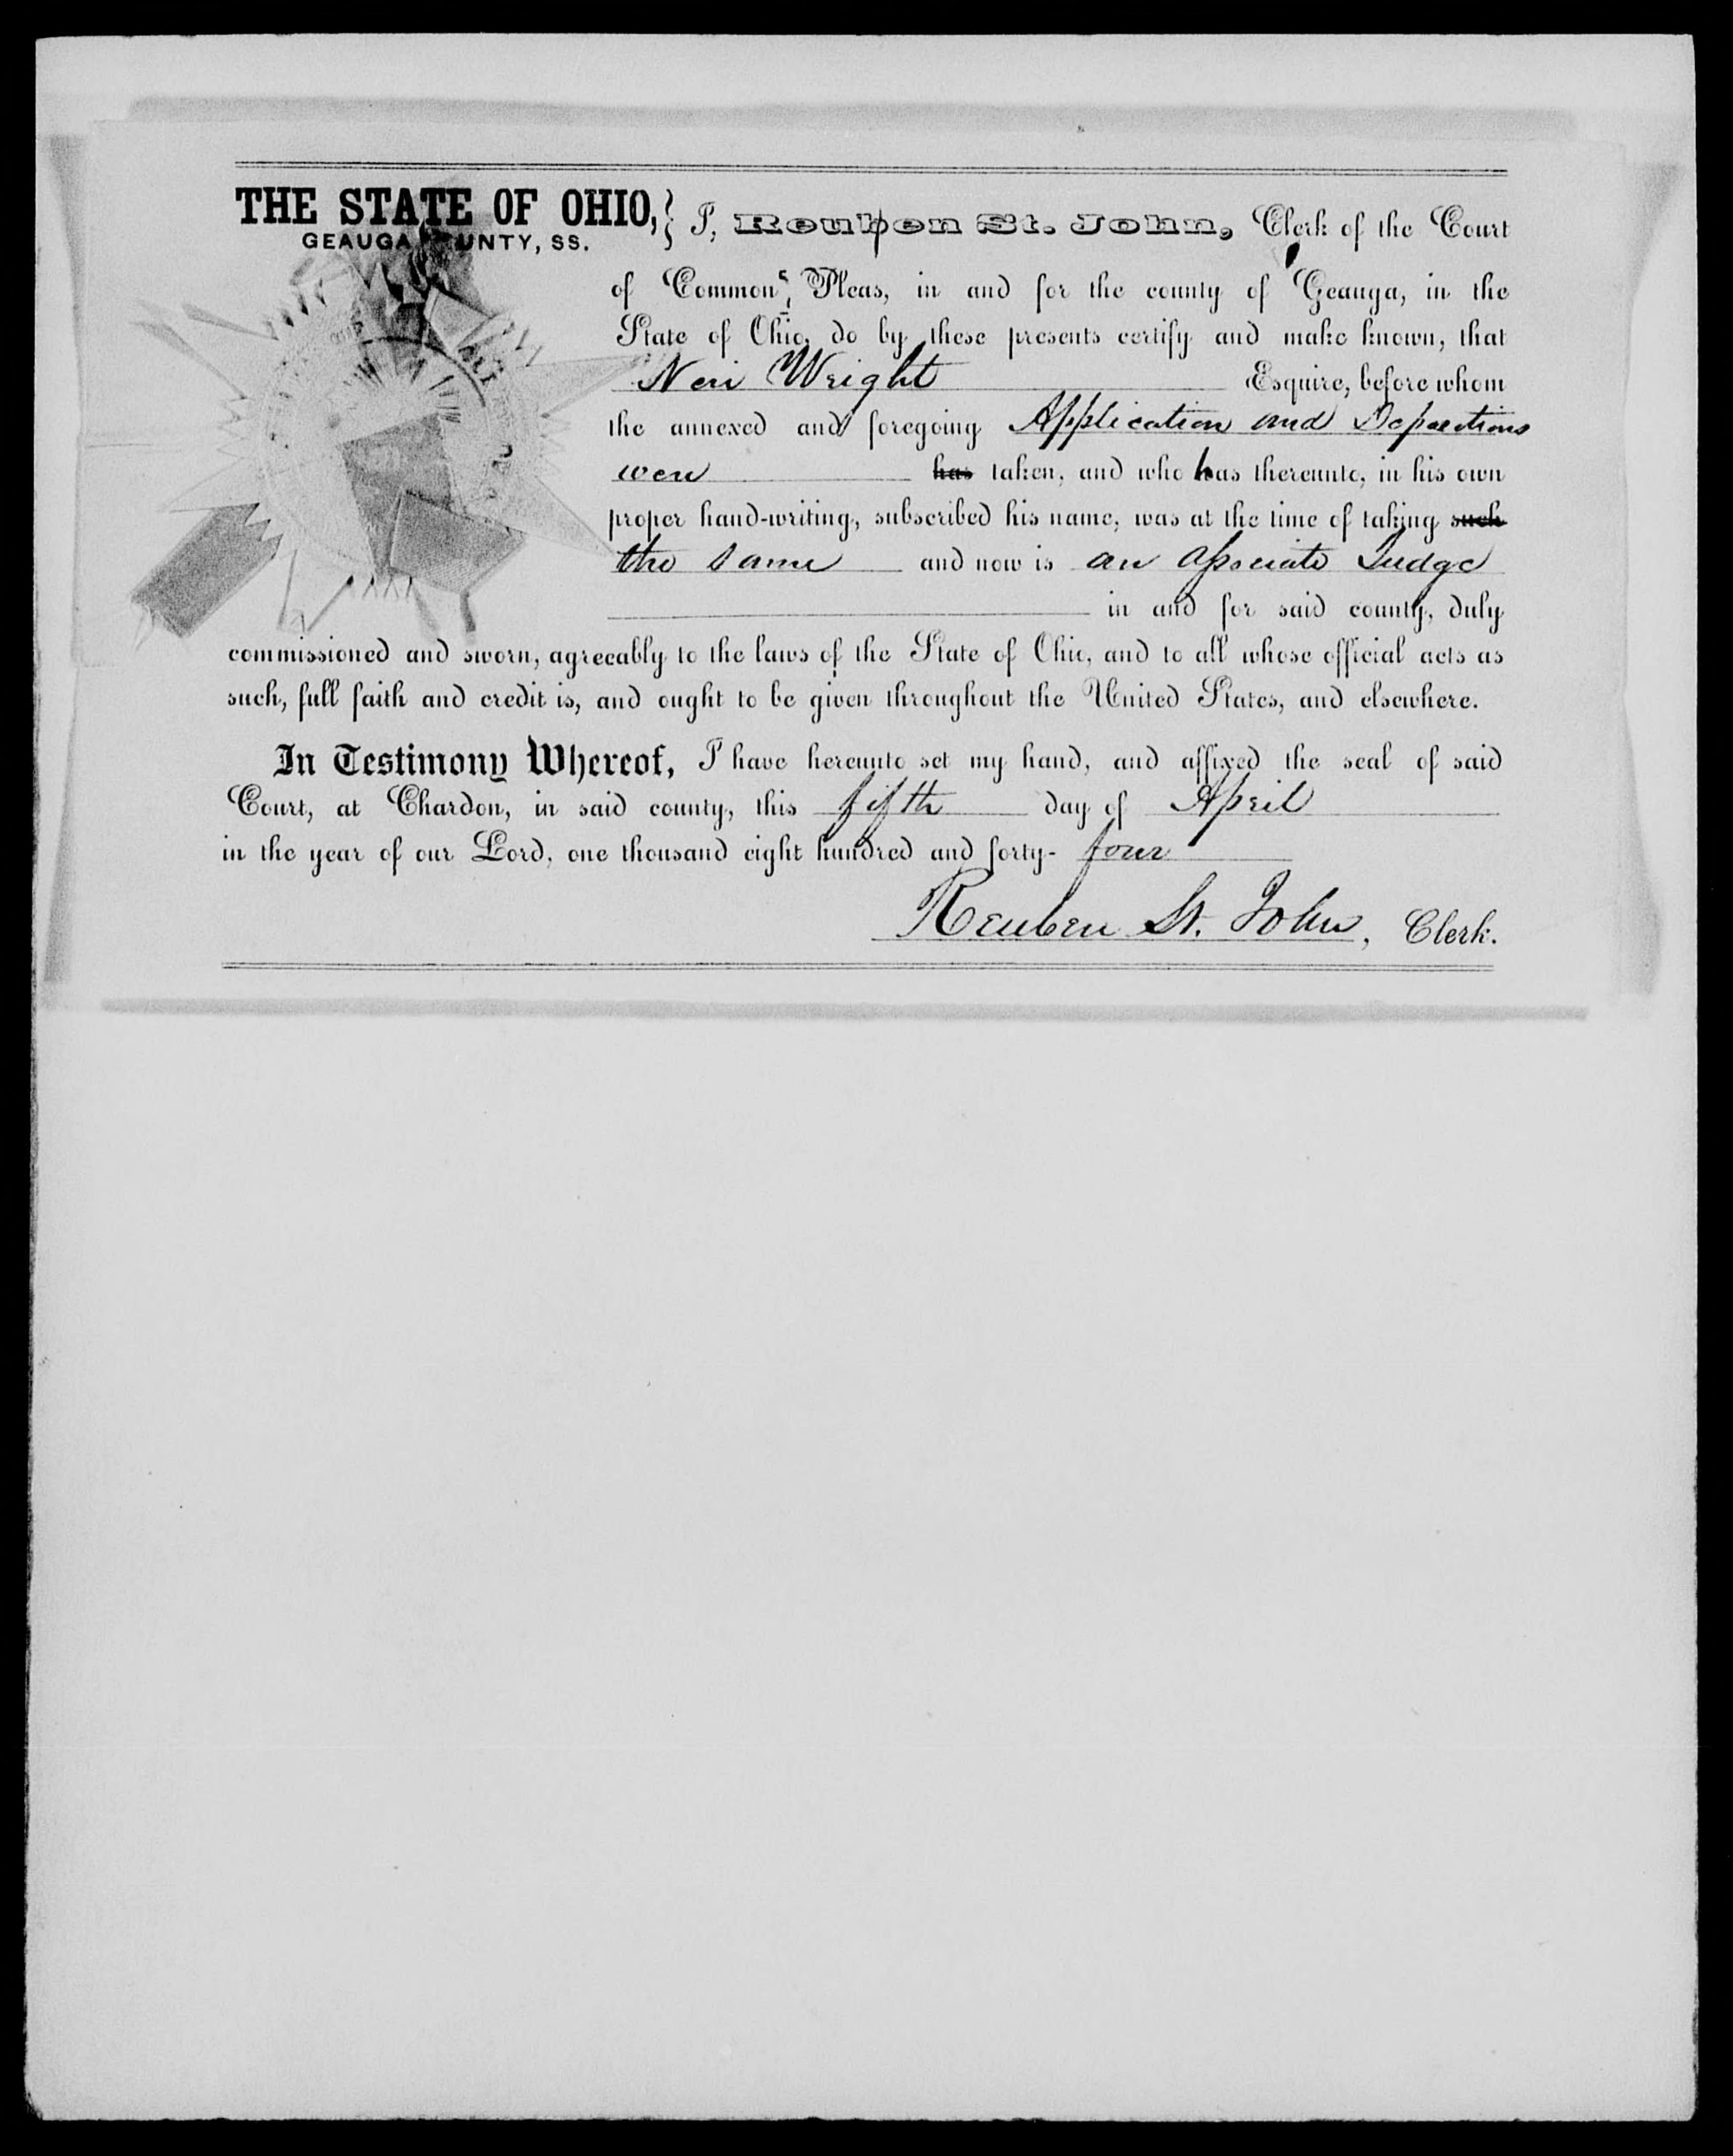THE STATE OF OHIO,}
GEAGA COUNTY, SS.}
I Reuben St. John, Clerk of the Court
of Common Pleas in and for the county of Geauga, in the
State of Ohio, do by these presents certify and make known, that
Neri Wright Esquire, before whom
the annexed and foregoing Application and depositions
were has [struck out] taken, and who has thereunto, in his own
proper hand-writing, subscribed his name, was at the time of taking such[struck out] the same and now is an associate Judge in and for said county, duly
commissioned and sworn, agreeably to the laws of the State of Ohio, and to all whose official acts as such, full faith and credit is, and ought to be given throughout the United States, and elsewhere.
In Testimony Whereof, I have hereunto set my hand, and affixed the seal of said
Court, at Chardon, in said county, this fifth day of April
in the year of our Lord, one thousand eight hundred and forty- four
Reuben St. John, Clerk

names: Neri Wright, Reuben St John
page: 118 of 144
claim: rejected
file: R. 5208, Dennis Hopkins, N.C.